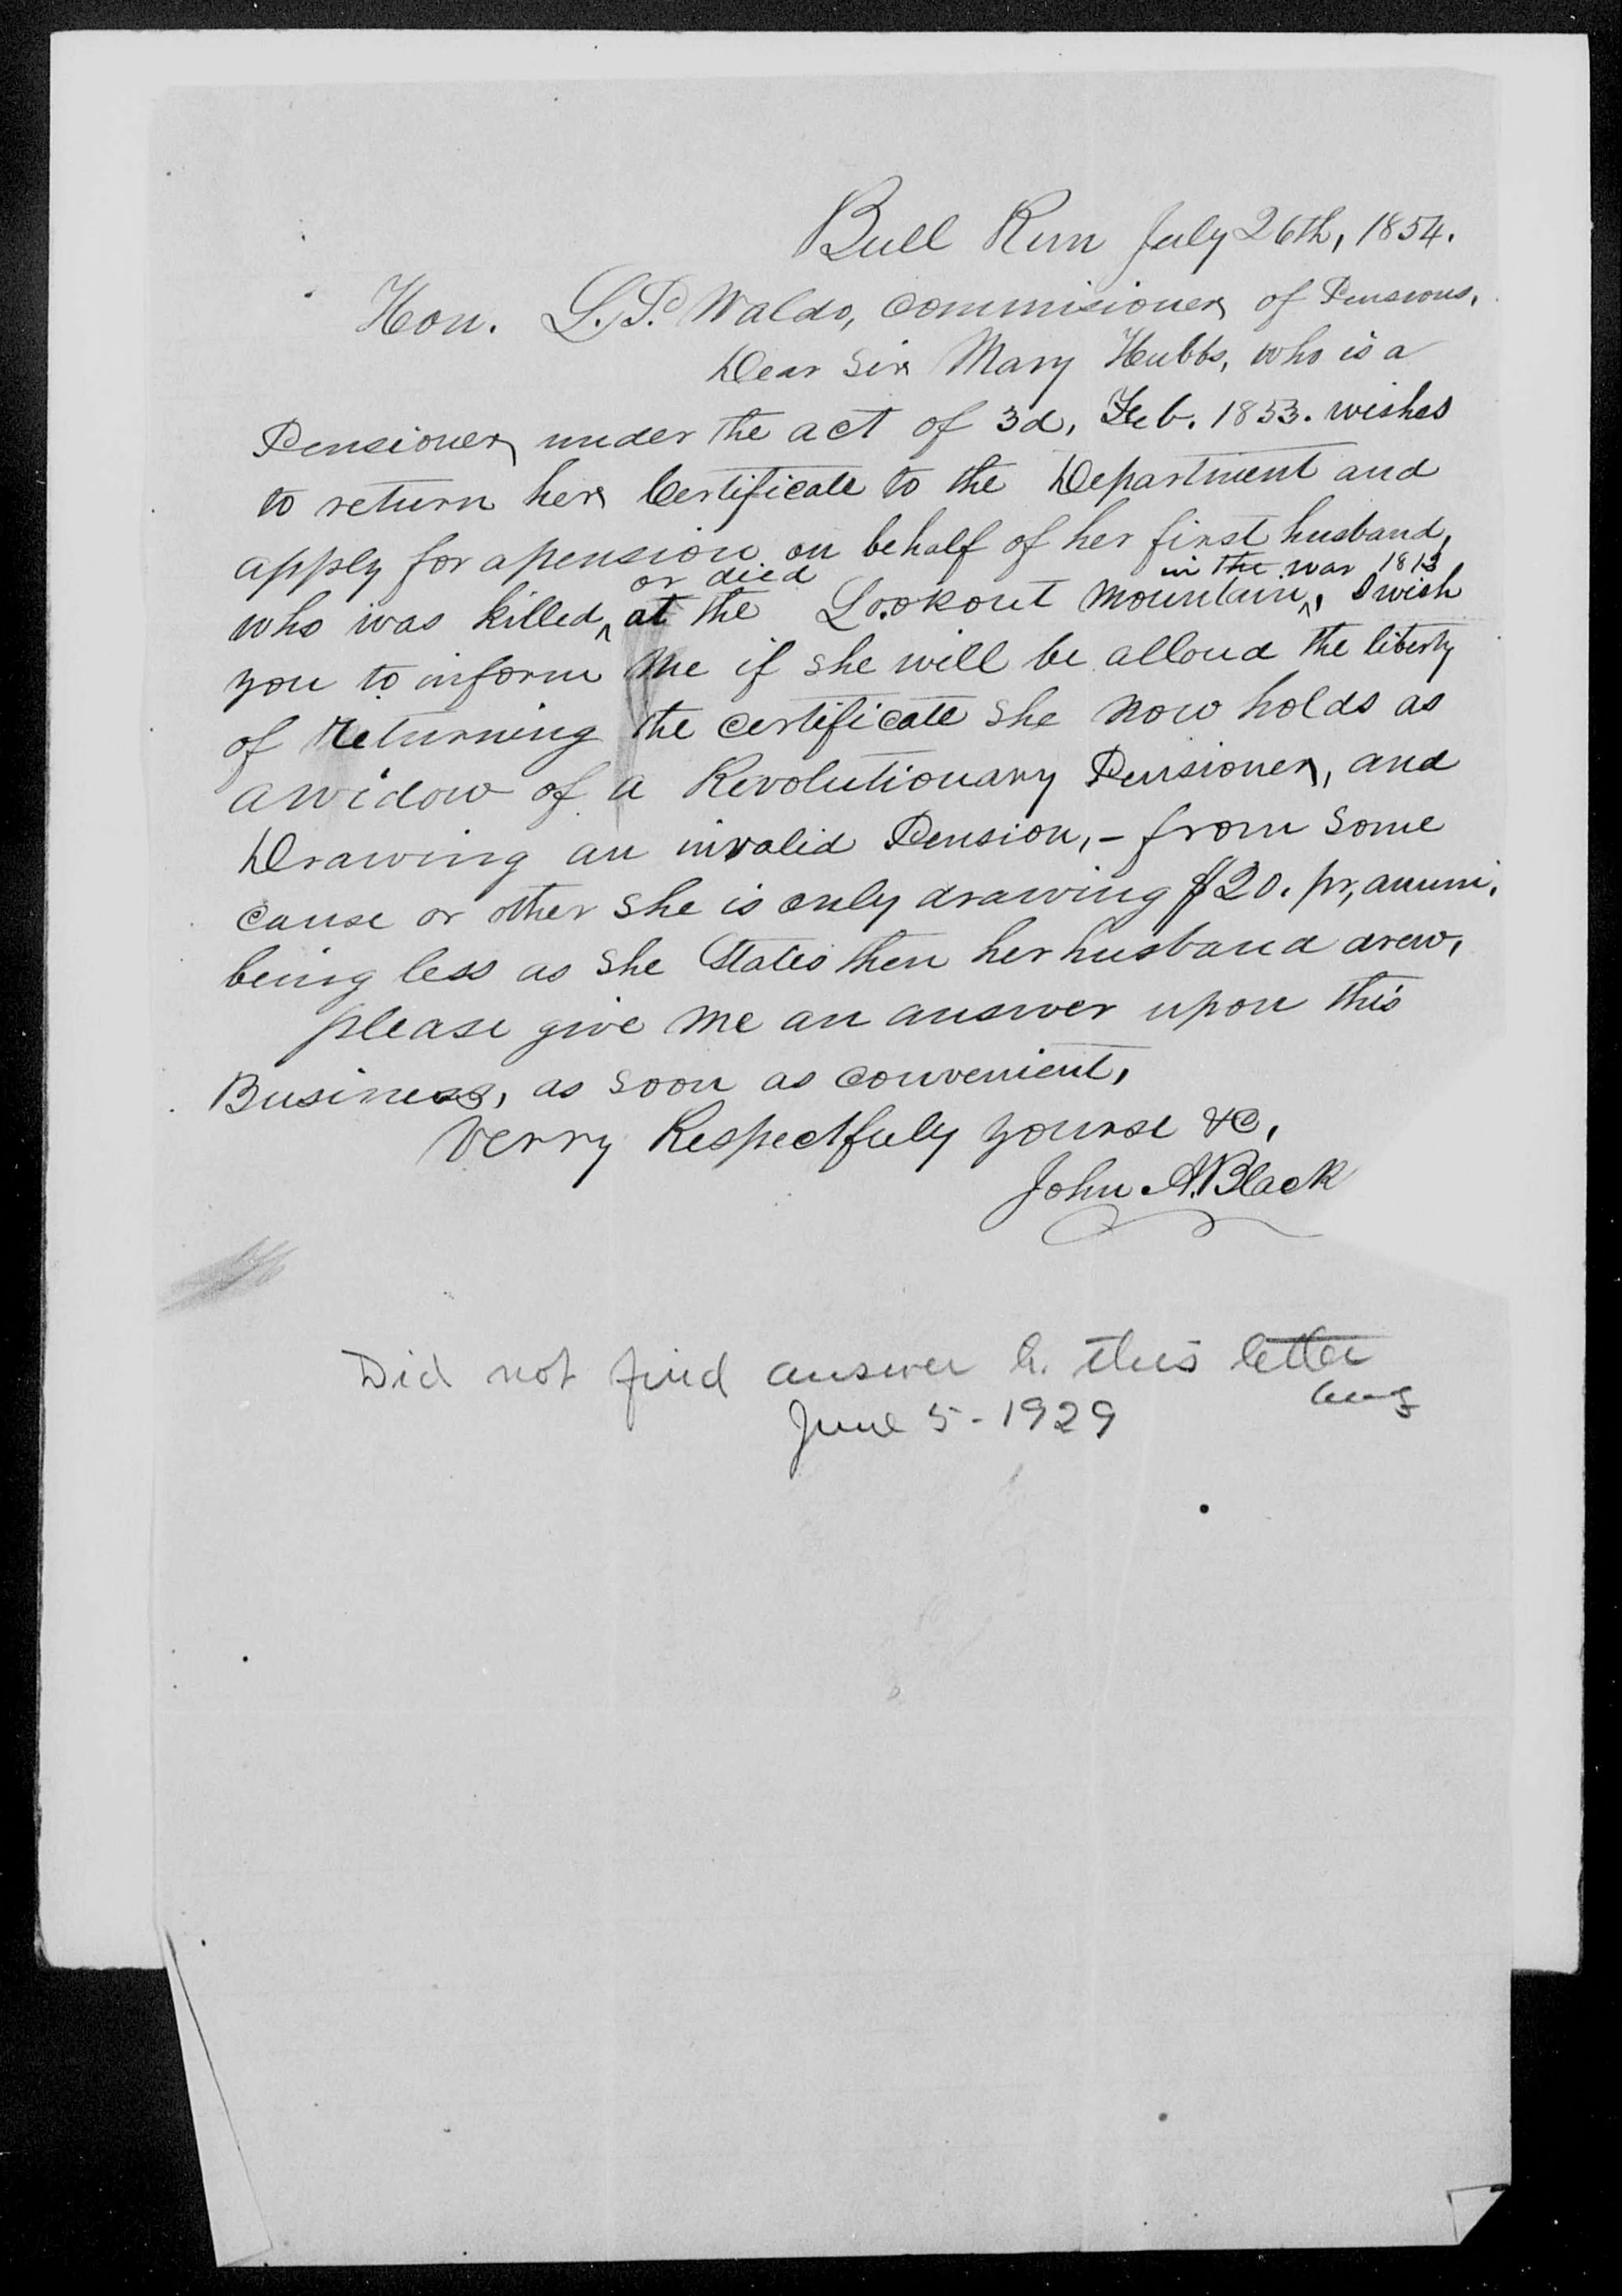Bull Run July 26th, 1854.
Hon. L. P. Waldo, commisioner of Pensions,
Dear Sir Mary Hubbs, who is a Pensioner under the act of 3d Feb. 1853, wishes to return her certificate to the Department and apply for a pension on behalf of her first husband, who was killed or died at the Lookout Mountain in the War 1812. I wish you to inform me if she will be allowed the liberty of Returning the certificate she now holds as a widow of a Revolutionary Pensioner, and Drawing an invalid Pension, - from some cause or other she is only drawing $20 pr annum, being less as she states then her husband drew.
Please give me an answer upon this Business, as soon as convenient,
Verry Respectfully yours &c,
John A. Black

Did not find answer to this letter
June 5 - 1929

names: Mary Hubbs, L P Waldo, John A Black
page: 33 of 86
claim: widow's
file: W. 1035, John Hubbs, S.C.